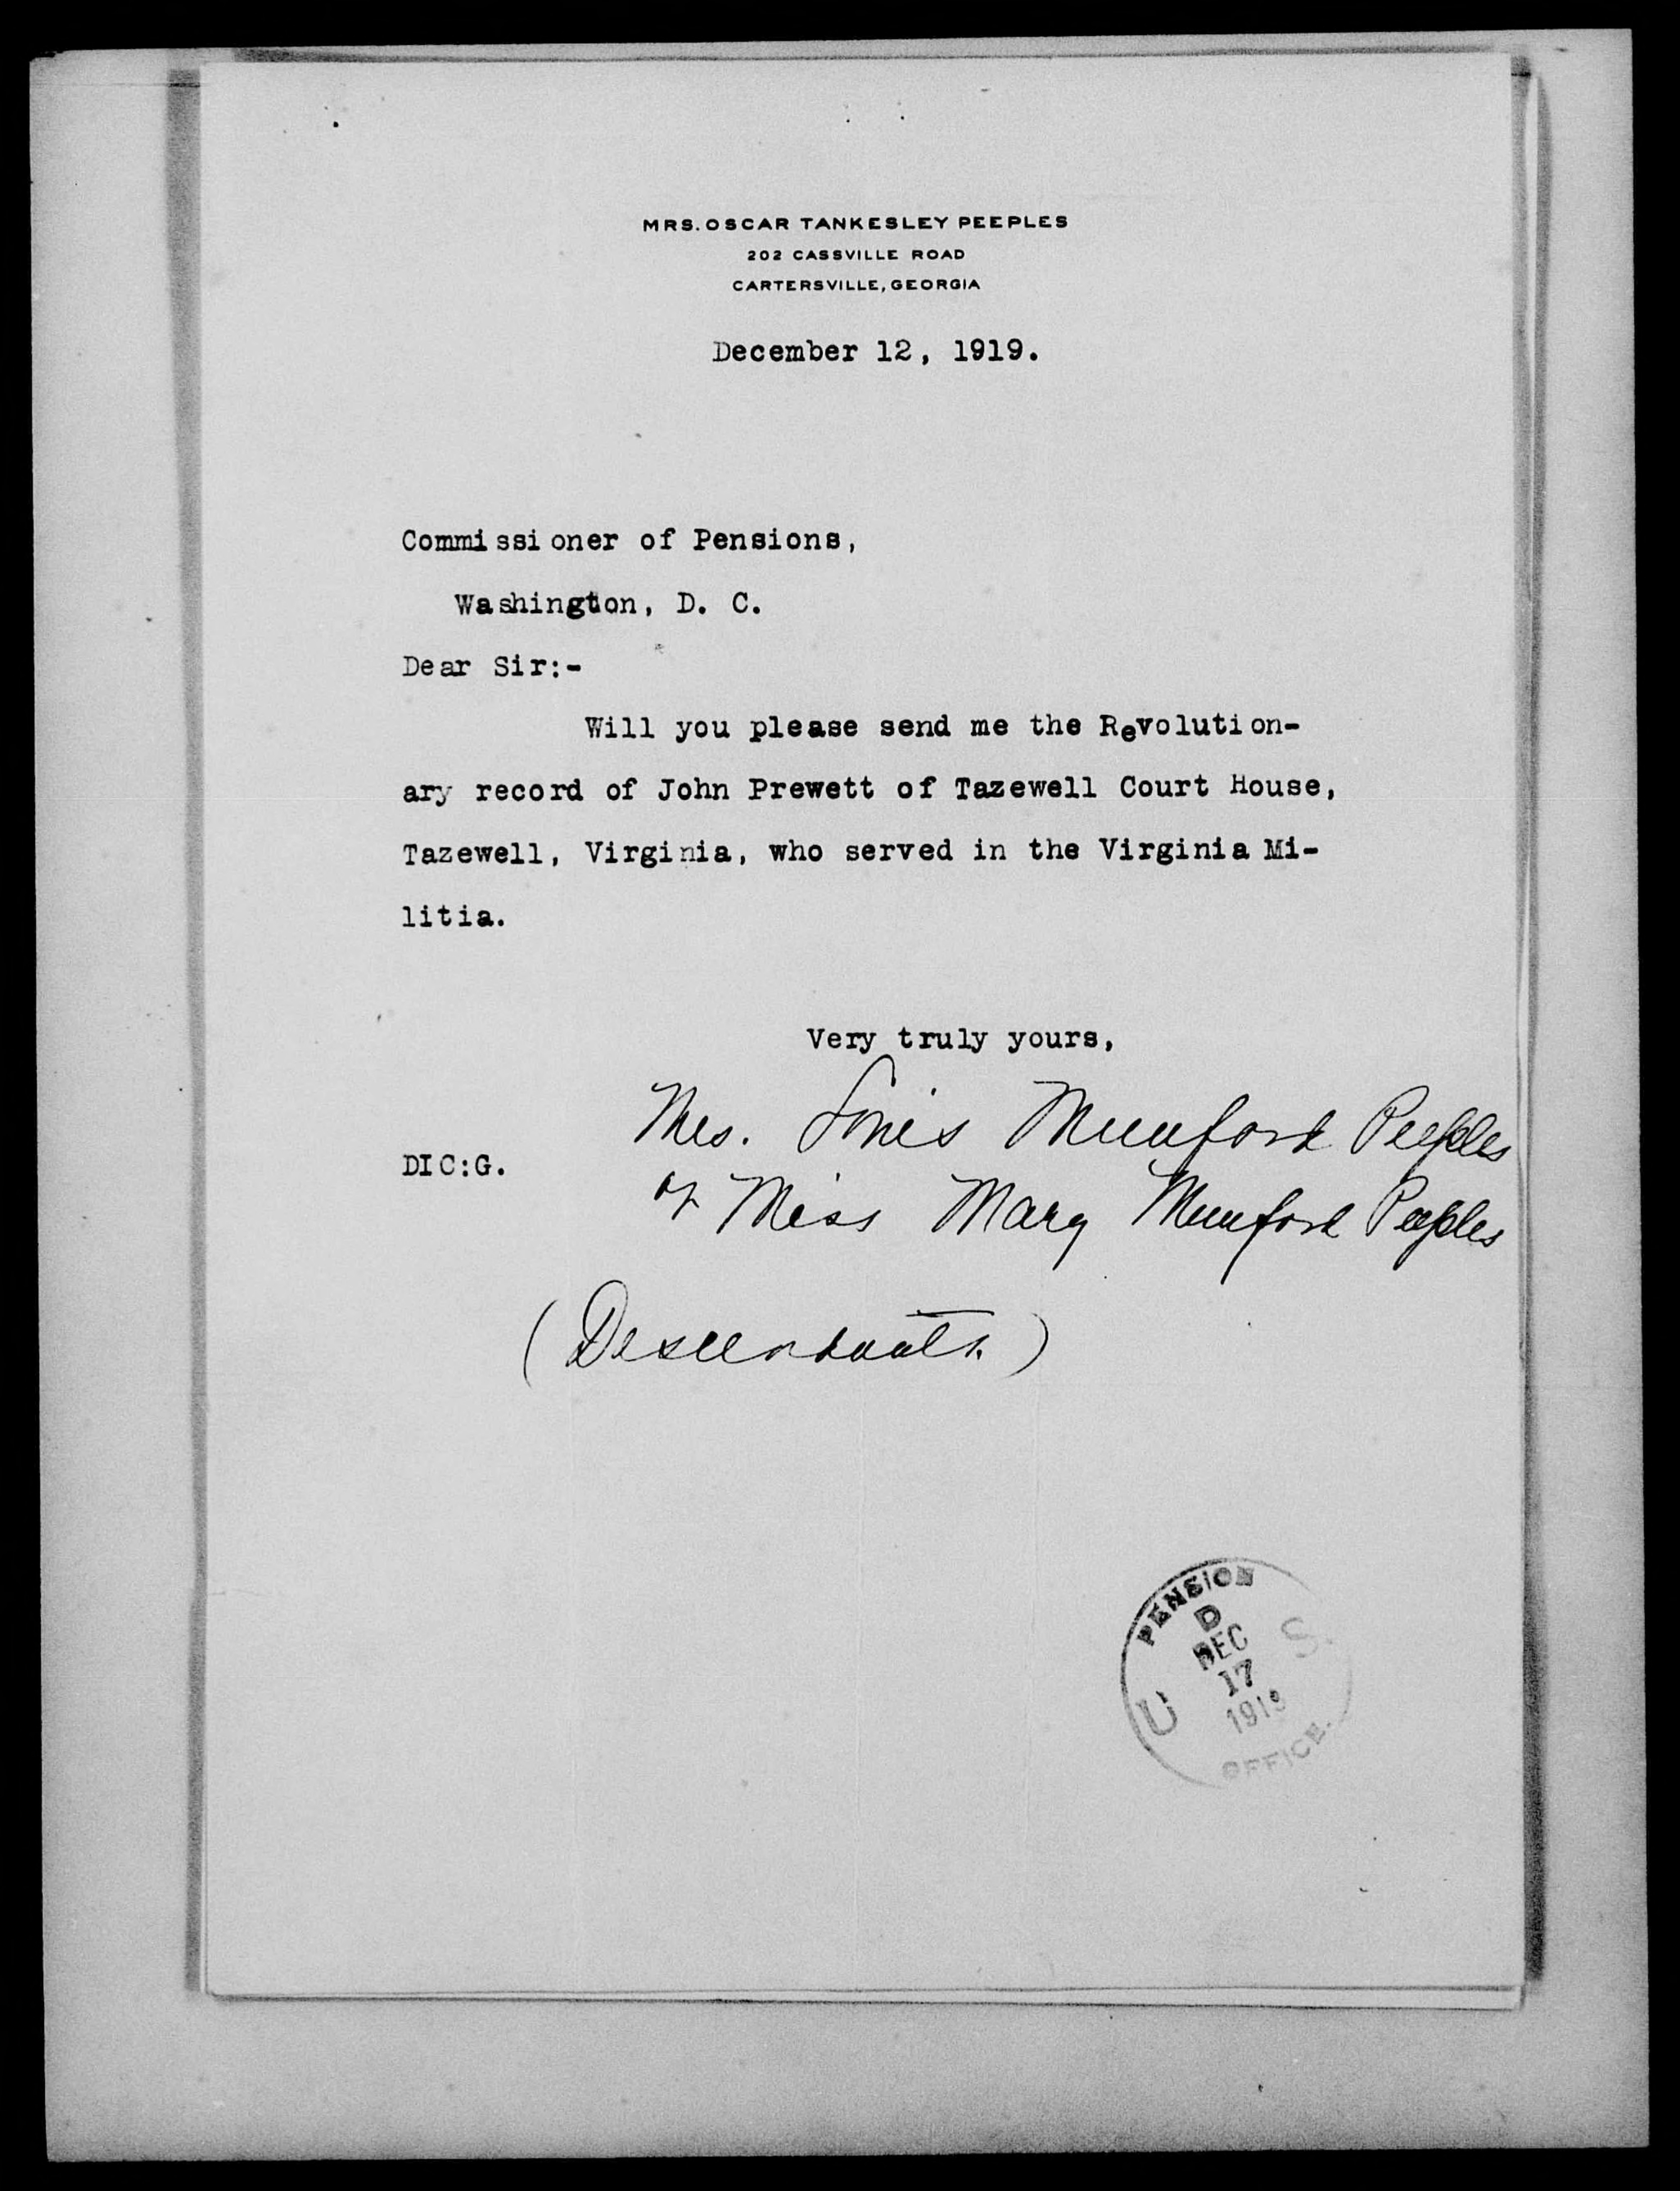MRS. OSCAR TANKESLEY PEEPLES
202 CASSVILLE ROAD
CARTERSVILLE, GEORGIA

December 12, 1919.

Commissioner of Pensions,
Washington, D. C.
Dear Sir:-
Will you please send me the Revolutionary record of John Prewett of Tazewell Court House, Tazewell, Virginia, who served in the Virginia Militia.

Very truly yours,
Mrs. Louis Munford Peeples
or Miss Mary Munford Peeples
(Descendants.)
DIC:G.

[stamp]
PENSION D U. S. OFFICE.
DEC 17 1919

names: Mary Munford Peeples; Oscar Tankesley Peeples; Louis Munford Peeples; John Prewett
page: 21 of 35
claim: survivor's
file: S. 30,665, for John Prewett, Virginia